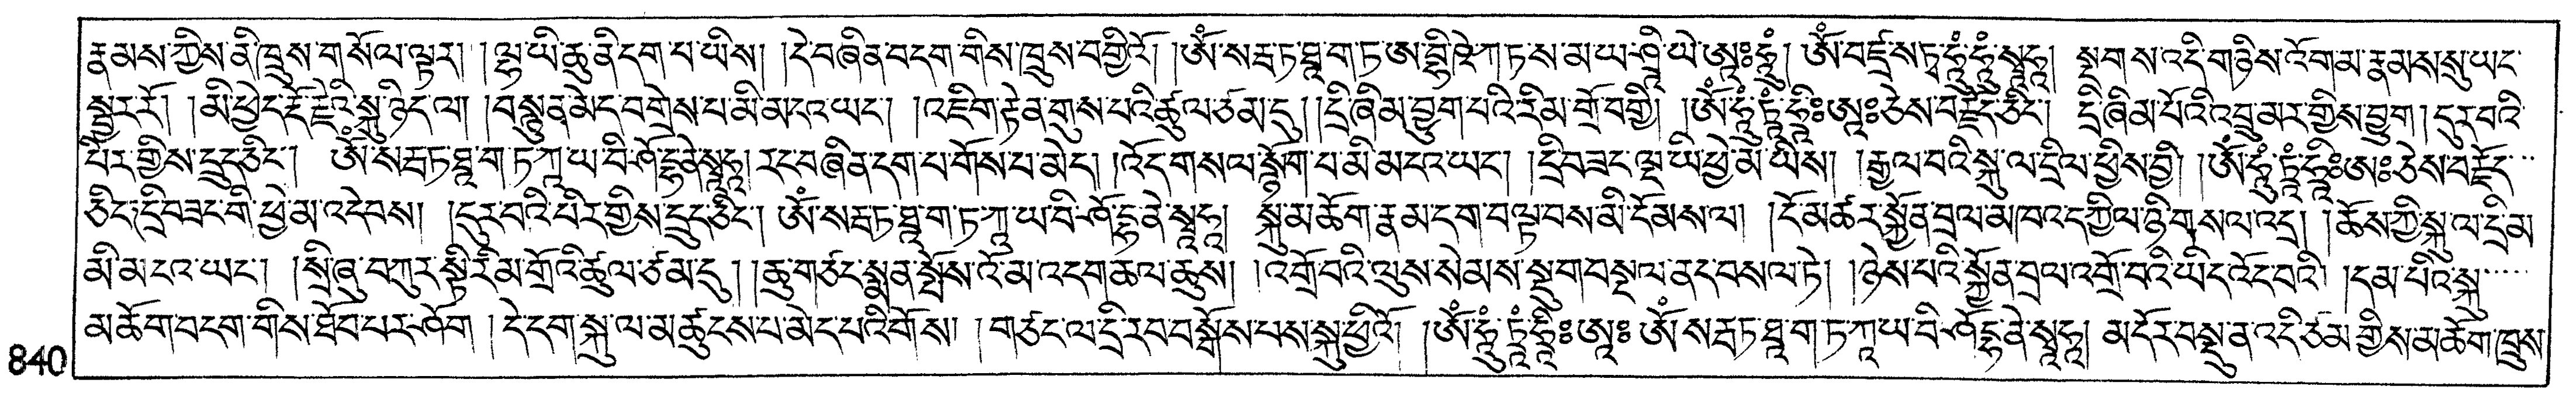རྣམས་ཀྱིས་ནི་ཁྲུས་གསོལ་ལྟར། །ལྷ་ཡི་ཆུ་ནི་དག་པ་ཡིས། །དེ་བཞིན་བདག་གིས་ཁྲུས་བགྱིའོ། །ཨོཾ་སརྦ་ཏ་ཐཱ་ག་ཏ་ཨ་བྷི་ཥེ་ཀ་ཏ་ས་མ་ཡ་ཤྲཱི་ཡེ་ཨཱཿ ཧཱུཾ། ཨོཾ་བཛྲ་སཏྭ་ཧཱུཾ་ཧཱུཾ་སྭཱཧཱ། སྔགས་འདི་གཉིས་འོག་མ་རྣམས་སུ་ཡང་
སྦྱར་རོ། །མི་ཕྱེད་རྡོ་རྗེའི་སྐུ་ཉིད་ལ། །བསྙུན་མེད་བགྲེས་པ་མི་མངའ་ཡང་། །འཇིག་རྟེན་གུས་པའི་ཚུལ་ཙམ་དུ། །དྲི་ཞིམ་བྱུག་པའི་རིམ་གྲོ་བགྱི། །ཨོཾ་ཧཱུཾ་ཏྲཱཾ་ཧྲཱིཿ ཨཱཿ ཅེས་བརྗོད་ཅིང་། དྲི་ཞིམ་པོའི་འབྲུ་མར་གྱིས་བྱུག །དུར་བའི་
པིར་གྱིས་དྲུད་ཅིང་། ཨོཾ་སརྦ་ཏ་ཐཱ་ག་ཏ་ཀཱ་ཡ་བི་ཤོ་དྷ་ནེ་སྭཱཧཱ། རང་བཞིན་དག་པ་གོས་པ་མེད། །འོད་གསལ་སྙོག་པ་མི་མངའ་ཡང་། །དྲི་བཟང་ལྔ་ཡི་ཕྱེ་མ་ཡིས། །རྒྱལ་བའི་སྐུ་ལ་དྲིལ་ཕྱིས་བྱི། །ཨོཾ་ཧཱུཾ་ཏྲཱཾ་ཧྲཱིཿ ཨཿ ཅེས་བརྗོད་
ཅིང་། དྲི་བཟང་གི་ཕྱེ་མ་འདེབས། །དུར་བའི་པིར་གྱིས་དྲུད་ཅིང་། ཨོཾ་སརྦ་ཏ་ཐཱ་ག་ཏ་ཀཱ་ཡ་བི་ཤོ་དྷ་ནེ་སྭཱཧཱ། སྐུ་མཆོག་རྣམ་དག་བལྟ་བས་མི་ངོམས་ལ། །ངོ་མཚར་སྐྱོན་བྲལ་མཁའ་དཀྱིལ་ཉི་གསལ་འདྲ། །ཆོས་ཀྱི་སྐུ་ལ་དྲི་མ་
མི་མངའ་ཡང་། །སྲི་ཞུ་བཀུར་སྟི་རིམ་གྲོའི་ཚུལ་ཙམ་དུ། །ཆུ་གཙང་སྨན་སྤོས་འོ་མ་འདག་ཆལ་ཆུས། །འགྲོ་བའི་ལུས་སེམས་སྡུག་བསྔལ་ནད་བསལ་ཏེ། །ཉེས་པའི་སྐྱོན་བྲལ་འགྲོ་བའི་ཡིད་འོང་བའི། །དམ་པའི་སྐུ་
མཆོག་བདག་གིས་ཐོབ་པར་ཤོག །དེ་དག་སྐུ་ལ་མཚུངས་པ་མེད་པའི་གོས། །གཙང་ལ་དྲི་རབ་བསྒོས་པས་སྐུ་ཕྱིའོ། །ཨོཾ་ཧཱུཾ་ཏྲཱཾ་ཧྲཱིཿ ཨཱཿ ཨོཾ་སརྦ་ཏ་ཐཱ་ག་ཏ་ཀཱ་ཡ་བི་ཤོ་དྷ་ནེ་སྭཱཧཱ། མདོར་བསྡུ་ན་འདི་ཙམ་གྱིས་མཆོག་ཁྲུས་